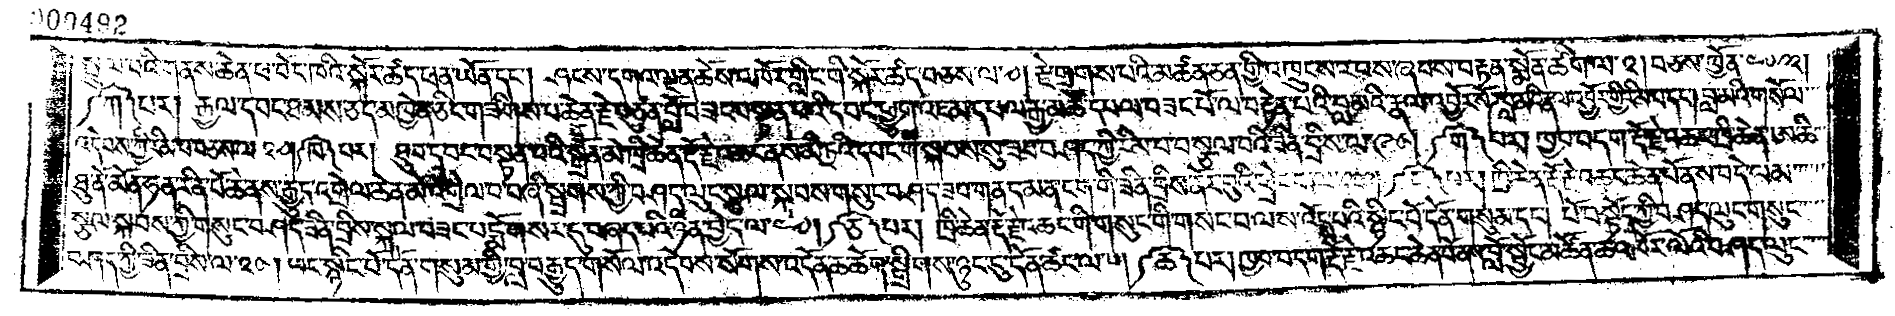སྤྲུལ་པའི་གནས་ཆེན་ཕ་བོང་ཁའི་སྐོར་ཚད་ཕན་ཡོན་དང་། ཤངས་དགའ་ལྡན་ཆོས་འཁོར་གླིང་གི་སྐོར་ཚད་བཅས་ལ ༧། རྗེ་གྲགས་པའི་མཚན་ན་གྱི་འཁྲུངས་རབས་ཞབས་བརྟན་སྨོན་ཚིག་ལ ༢། བཅས་ཁྱོན ༤༧༣།
༼ཀ༽ པར། རྒྱལ་དབང་ཐམས་ཅད་མཁྱེན་ཅིང་གཟིགས་པ་ཆེན་རྗེ་བཙུན་བློ་བཟང་བསྟན་པའི་དབང་ཕྱུག་འཇམ་དཔལ་རྒྱ་མཚོ་དཔལ་བཟང་པོ་ལ་བརྟེན་པའི་བླ་མའི་རྣལ་འབྱོར་སོཌ་བླ་མའི་རྣལ་འབྱོར་གྱི་རིམ་པ་དང་། བླ་མའི་གསོལ་
འདེབས་ཀྱི་རིམ་པ་བཅས་ལ ༢༧། ༼ཁ༽ པར། ཐུབ་དབང་བསྟན་པའི་སྒྲོན་མེ་ཁྲི་ཆེན་རྡོ་རྗེ་འཆང་ནས་མི་ཏྲའི་དབང་གི་སྐབས་སུ་ཟབ་བཤད་ཀྱི་རིམ་པ་བསྩལ་བའི་ཟིན་བྲིས་ལ ༩༦། ༼ག༽ པར། ཁྱབ་བདག་རྡོ་རྗེ་འཆང་ཁྲི་ཆེན་ཨ་ཆི་
ཐུ་ནོ་མོན་ཧན་རིན་པོ་ཆེ་ནས་རྒྱུད་འགྲེལ་ཆེན་མོ་འགྲེལ་བ་བཞི་སྦྲགས་ཀྱི་བཤད་ལུང་སྩལ་སྐབས་གསུང་བཤད་ཟབ་གནད་མན་ངག་གི་ཟིན་བྲིས་ནོར་བུའི་འཕྲེང་བ་ལ ༣༢། ༼ང༽ པར། ཁྲི་ཆེན་རྡོ་རྗེ་འཆང་ཆེན་པོ་ནས་བདེ་ལམ་
སྩལ་སྐབས་ཀྱི་གསུང་བཤད་ཟིན་བྲིས་སྐལ་བཟང་པདམོ་གསར་དུ་བཞད་པའི་ཉིན་བྱེད་ལ ༤༧། ༼ཅ༽ པར། ཁྲི་ཆེན་རྡོ་རྗེ་འཆང་གི་གསུང་གི་གསང་བ་ལས་འོངས་པའི་སྙིང་པོ་དོན་གསུམ་དང་། པོ་བསྟོད་ཀྱི་བཤད་ལུང་གསུང་
བཤད་ཀྱི་ཟིན་བྲིས་ལ ༢༦། ཡང་སྙིང་པོ་དོན་གསུམ་གྱི་བླ་བརྒྱུད་གསོལ་འདེབས་སོགས་འདོན་ཆ་ཆོག་སྒྲིགས་ཉུང་དུ་དོན་ཚང་ལ ༥། ༼ཆ༽ པར། ཁྱབ་བདག་རྡོ་རྗེ་འཆང་ཆེན་པོ་ནས་བློ་སྦྱོང་མཚོན་ཆ་འཁོར་ལོའི་བཤད་ལུང་